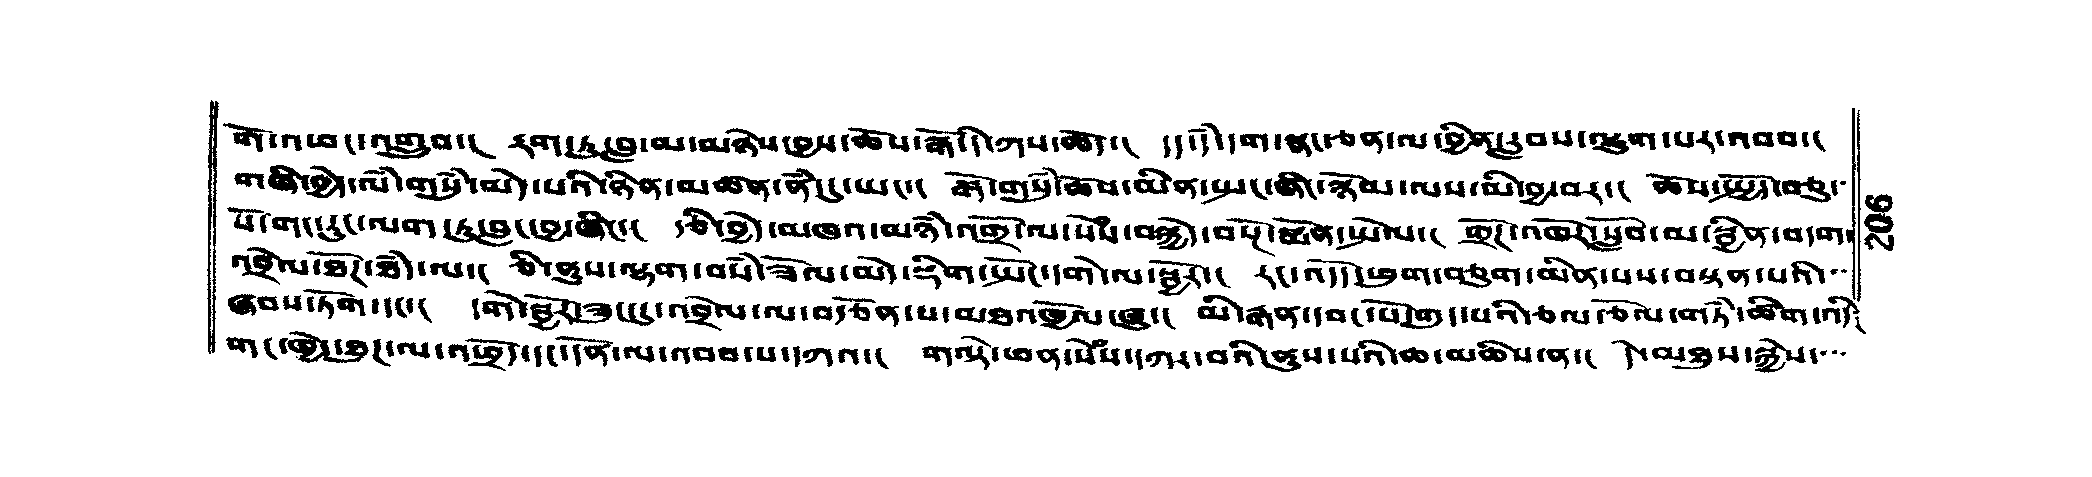གོ་འཕང་འགྲུབ། །རྟག་ཏུ་བླ་མ་མཉེས་བྱས་ཆོས་སྒོ་དེ་ཀས་ཆོད། །དད་དམ་དག་སྣང་ཅན་ལ་བྱིན་རླབས་ལྷུག་པར་འབབ། །
གཞིས་བྱེས་ལམ་གསུམ་མེད་པའི་ཉིན་མཚན་ནམ་དུ་ཡང། །སྒོ་གསུམ་ཆོས་མིན་སྤོང་ཞིང་སྙོམ་ལས་མི་བྱ་བར། །ཆོས་སྤྱོད་བཅུ་
པོ་གང་རུང་ལག་ཏུ་བླང་བྱ་ཞིང་། །ཅི་བྱེད་མཁའ་མཉམ་འགྲོ་ལ་སེམས་བསྐྱེད་བསྔོ་སྨོན་སྤེལ། །གྲོགས་འཁོར་སློབ་མ་སྦྱིན་བདག་
འབྲེལ་ཐོགས་ཐམས་ཅད་ལ། །ཅི་ནུས་ལྷག་བསམ་ཟོལ་མེད་སྡིག་སྤོང་དགེ་ལ་སྦྱོར། །རང་འདོད་ཕུག་བཅུག་མིན་པས་བསྟན་པའི་
ཞབས་ཏོག་དང་། །དགེ་སྦྱོར་ཟུང་དུ་འབྲེལ་ལ་བརྩོན་པས་མཐའ་འཁྱོལ་ཞུ། །མི་རྒན་དབང་པོ་གུད་པའི་ཅལ་ཅོལ་གཏམ་ཚིག་འདི། །
གང་ཁྱེད་ཐུགས་ལ་འཕྲོད་དང་དོན་ལ་འབབ་པ་དཀའ། །གལ་ཏེ་ཕན་སེམས་དཀར་བའི་ནུས་པའི་ཆ་མཆིས་ན། །དེ་མཐུས་སྐྱེས་